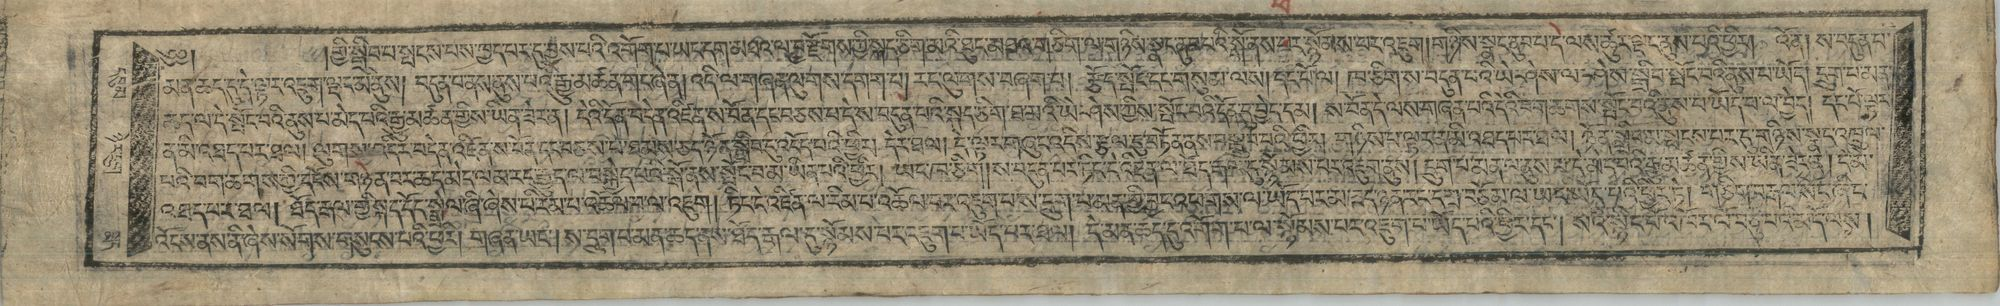༄༅། །གྱི་སྒྲིབ་པ་སྤངས་པས་ཁྱད་པར་དུ་བྱས་པའི་འགོག་པ་ཡང་དག་མཐའ་ལ་བྱ་རྫོགས་ཀྱི་སྐད་ཅིག་མའི་ཐུང་མཐའ་གཅིག་ལ་གཉིས་སྣང་ནུབ་པའི་སྒོ་ནས་ཕར་སྙོམས་པར་འཇུག ། གཉིས་སྣང་ནུབ་པ་དེ་ལས་ཚུར་ལྡང་ནུས་པའི་ཕྱིར། འོ་ན། ས་བདུན་པ་
མན་ཆད་དུ་དེ་ལྟར་འཇུག་ལྡང་མི་ནུས། བདུན་པ་ནས་ནུས་པའི་རྒྱུ་མཚན་གང་ཞེ་ན། འདི་ལ་གཞན་ལུགས་དགག་པ། རང་ལུགས་བཞག་པ། རྩོད་སྤོང་དང་གསུམ་ལས། དང་པོ་ལ། ཁ་ཅིག་ས་བདུན་པའི་ཡེ་ཤེས་ལ་ཤེས་སྒྲིབ་སྤོང་བའི་ནུས་པ་ཡོད། དྲུག་པ་མན་
ཆད་ལ་དེ་སྤོང་བའི་ནུས་པ་མེད་པའི་རྒྱུ་མཚན་གྱིས་ཡིན་ཟེར་ན། དེའི་དོན་བདེན་འཛིན་ས་བོན་དང་བཅས་པ་དེ་ས་བདུན་པའི་སྐད་ཅིག་ཐ་མའི་ཡེ་ཤེས་ཀྱིས་སྤོང་བའི་དོན་དུ་བྱེད་དམ། ས་བོན་དེ་ལས་གཞན་པའི་དེའི་བག་ཆགས་སྤོང་བའི་ནུས་པ་ཡོད་པ་ལ་བྱེད། དང་པོ་ལྟར་
ན་མི་འཐད་པར་ཐལ། ལུགས་འདིར་བདེན་འཛིན་ས་བོན་དང་བཅས་པ་ཐམས་ཅད་ཉོན་སྒྲིབ་དུ་འདོད་པའི་ཕྱིར། དེར་ཐལ། དེ་ལྟར་གཞུང་འདིས་རྩལ་དུ་བཏོན་ནས་བསྒྲུབ་པའི་ཕྱིར། གཉིས་པ་ལྟར་ན་མི་འཐད་པར་ཐལ། ཉོན་སྒྲིབ་མ་སྤངས་པར་དུ་གཉིས་སྣང་འཁྲུལ་
པའི་བག་ཆགས་ཀྱི་དངོས་གཉེན་པར་ཆད་མེད་ལམ་རང་རྒྱུད་ལ་བསྐྱེད་པའི་སྒོ་ནས་སྤོང་བ་མ་ཡིན་པའི་ཕྱིར། ཡང་ཁ་ཅིག །ས་བདུན་པར་ཏིང་དེ་འཛིན་ལ་ཐོད་རྒལ་དུ་སྙོམས་པར་འཇུག་ནུས། དྲུག་པ་མན་ལ་ནུས་པ་དེ་མེད་པའི་རྒྱུ་མཚན་གྱིས་ཡིན་ཟེར་ནི། དེ་མི་
འཐད་པར་ཐལ། ཐོད་རྒལ་གྱི་སྐད་དོང་སྣེལྮི་ཞེས་པ་རིམ་པ་འཚོལ་?་བ་ལ་འཇུག །ཏིང་ངེ་འཛིན་ལ་རིམ་པ་འཆོལ་བར་འཇུག་པ་ས་དྲུག་པ་མན་གྱི་བྱང་འཕགས་ལ་ཡོད་པར་མ་ཟད་ཉན་རང་དགྲ་བཅོམ་ལ་ཡང་ཡོད་པའི་ཕྱིར་ཏེ། གཅིག་བརྒལ་སོང་ཞིང་
འོངས་ནས་ནི་ཞེས་སོགས་གསུངས་པའི་ཕྱིར། གཞན་ཡང་། ས་དྲུག་པ་མན་ཆད་ནས་ཐོད་རྒལ་དུ་སྙོམས་པར་འཇུག་པ་ཡོད་པར་ཐལ། དེ་མན་ཆད་དུ་འགོག་པ་ལ་སྙོམས་པར་འཇུག་པ་ཡོད་པའི་ཕྱིར་དང་། སའི་སྙིང་པོ་འཁོར་ལོ་བཅུ་པའི་མདོ་ལས།